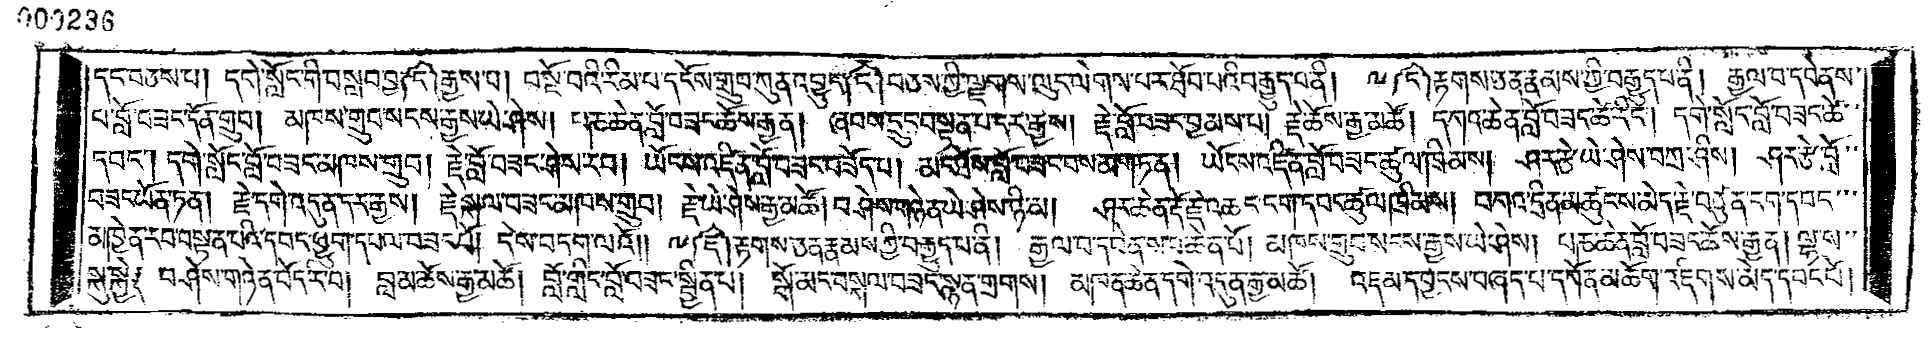དང་བཅས་པ། དགེ་སློང་གི་བསླབ་བྱ ༼ང༽ རྒྱས་པ། བསྔོ་བའི་རིམ་པ་དངོས་གྲུབ་ཀུན་འབྱུང ༼ང༽ བཅས་ཀྱི་ལྗགས་ལུང་ལེགས་པར་ཐོབ་པའི་བརྒྱུད་པ་ནི། ༧༼ང༽ རྟགས་ཅན་རྣམས་ཀྱི་བརྒྱུད་པ་ནི། རྒྱལ་བ་དབེན་ས་
པ་བློ་བཟང་དོན་གྲུབ། མཁས་གྲུབ་སངས་རྒྱས་ཡེ་ཤེས། པཎ་ཆེན་བློ་བཟང་ཆོས་རྒྱན། ཞབས་དྲུང་བསྟན་པ་དར་རྒྱས། རྗེ་བློ་བཟང་བྱམས་པ། རྗེ་ཆོས་རྒྱ་མཚོ། དཀའ་ཆེན་བློ་བཟང་ཚེ་རིང་། དགེ་སློང་བློ་བཟང་ཚེ་
དབང་། དགེ་སློང་བློ་བཟང་མཁས་གྲུབ། རྗེ་བློ་བཟང་ཤེས་རབ། ཡོངས་འཛིན་བློ་བཟང་བཟོད་པ། མང་ཐོས་བློ་བཟང་བསམ་གཏན། ཡོངས་འཛིན་བློ་བཟང་ཚུལ་ཁྲིམས། ཤར་རྩེ་ཡེ་ཤེས་བཀྲ་ཤིས། ཤར་རྩེ་བློ་
བཟང་ཡོན་ཏན། རྗེ་དགེ་འདུན་དར་རྒྱས། རྗེ་སྐལ་བཟང་མཁས་གྲུབ། རྗེ་ཡེ་ཤེས་རྒྱ་མཚོ། བཤེས་གཉེན་ཡེ་ཤེས་ཉི་མ། ཤར་ཆེན་རྡོ་རྗེ་འཆང་ངག་དབང་ཚུལ་ཁྲིམས། བཀའ་དྲིན་མཚུངས་མེད་རྗེ་བཙུན་ངག་དབང་
མཁྱེན་རབ་བསྟན་པའི་དབང་ཕྱུག་དཔལ་བཟང་པོ། དེས་བདག་ལའོ།། ༧༼ཇ༽ རྟགས་ཅན་རྣམས་ཀྱི་བརྒྱུད་པ་ནི། རྒྱལ་བ་དབེན་ས་བ་ཆེན་པོ། མཁས་གྲུབ་སངས་རྒྱས་ཡེ་ཤེས། པཎ་ཆེན་བློ་བཟང་ཆོས་རྒྱན། ལྷ་ས་
སྐུ་སྐྱེ༑ བཤེས་གཉེན་བོད་རི་བ། བླ་མ་ཆོས་རྒྱ་མཚོ། བློ་གླིང་བློ་བཟང་སྦྱིན་པ། སྒོ་མང་བསྐལ་བཟང་སྙན་གྲགས། མཁན་ཆེན་དགེ་འདུན་རྒྱ་མཚོ། འཇམ་དབྱངས་བཞད་པ་དཀོན་མཆོག་འཇིགས་མེད་དབང་པོ།